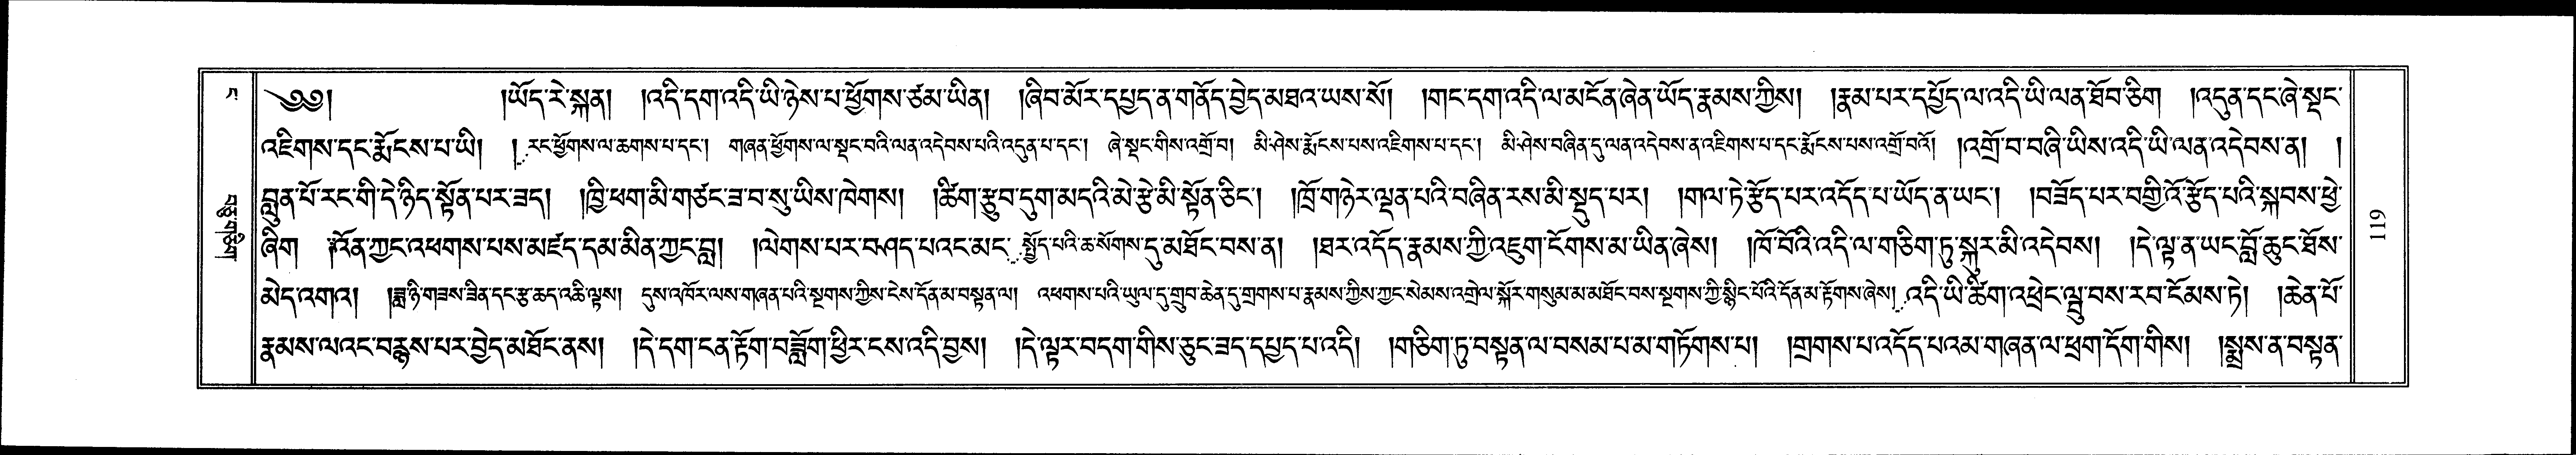༄༅། །ཡོད་རེ་སྐན། །འདི་དག་འདི་ཡི་ཉེས་པ་ཕྱོགས་ཙམ་ཡིན། །ཞིབ་མོར་དཔྱད་ན་གནོད་བྱེད་མཐའ་ཡས་སོ། །གང་དག་འདི་ལ་མངོན་ཞེན་ཡོད་རྣམས་ཀྱིས། །རྣམ་པར་དཔྱོད་ལ་འདི་ཡི་ལན་ཐོབ་ཅིག །འདུན་དང་ཞེ་སྡང་
འཇིགས་དང་རྨོངས་པ་ཡི། །རང་ཕྱོགས་ལ་ཆགས་པ་དང་། གཞན་ཕྱོགས་ལ་སྡང་བའི་ལན་འདེབས་པའི་འདུན་པ་དང་། ཞེ་སྡང་གིས་འགྲོ་བ། མི་ཤེས་རྨོངས་པས་འཇིགས་པ་དང་། མི་ཤེས་བཞིན་དུ་ལན་འདེབས་ན་འཇིགས་པ་དང་རྨོངས་པས་འགྲོ་བའོ། །འགྲོ་བ་བཞི་ཡིས་འདི་ཡི་ལན་འདེབས་ན། །
བླུན་པོ་རང་གི་དེ་ཉིད་སྟོན་པར་ཟད། །ཁྱི་ཕག་མི་གཙང་ཟ་བ་སུ་ཡིས་ཁེགས། །ཚིག་རྩུབ་དུག་མདའི་མེ་རྩེ་མི་སྟོན་ཅིང་། །ཁྲོ་གཉེར་ལྡན་པའི་བཞིན་རས་མི་སྡུད་པར། །གལ་ཏེ་རྩོད་པར་འདོད་པ་ཡོད་ན་ཡང་། །བཟོད་པར་བགྱི་འོ་རྩོད་པའི་སྐབས་ཕྱེ་
ཞིག །འོན་ཀྱང་འཕགས་པས་མཛད་དམ་མིན་ཀྱང་བླ། །ལེགས་པར་བཤད་པའང་མང་སྤྱོད་པའི་ཆ་སོགས་དུ་མཐོང་བས་ན། །ཐར་འདོད་རྣམས་ཀྱི་འཇུག་ངོགས་མ་ཡིན་ཞེས། །ཁོ་བོའི་འདི་ལ་གཅིག་ཏུ་སྐུར་མི་འདེབས། །དེ་ལྟ་ན་ཡང་བློ་ཆུང་ཐོས་
མེད་འགའ། །ཟླ་ཉི་གཟས་ཟིན་དང་རྩ་ཆད་འཆི་ལྟས། དུས་འཁོར་ལས་གཞན་པའི་སྔགས་ཀྱིས་ངེས་དོན་མ་བསྟན་ལ། འཕགས་པའི་ཡུལ་དུ་གྲུབ་ཆེན་དུ་གྲགས་པ་རྣམས་ཀྱིས་ཀྱང་སེམས་འགྲེལ་སྐོར་གསུམ་མ་མཐོང་བས་སྔགས་ཀྱི་སྙིང་པོའི་དོན་མ་རྟོགས་ཞེས། འདི་ཡི་ཚིག་འཕྲེང་ལྦུ་བས་རབ་ངོམས་ཏེ། །ཆེན་པོ་
རྣམས་ལའང་བརྙས་པར་བྱེད་མཐོང་ནས། །དེ་དག་ངན་རྟོག་བཟློག་ཕྱིར་ངས་འདི་བྱས། །དེ་ལྟར་བདག་གིས་ཅུང་ཟད་དཔྱད་པ་འདི། །གཅིག་ཏུ་བསྟན་ལ་བསམ་པ་མ་གཏོགས་པ། །གྲགས་པ་འདོད་པའམ་གཞན་ལ་ཕྲག་དོག་གིས། །སྨྲས་ན་བསྟན་